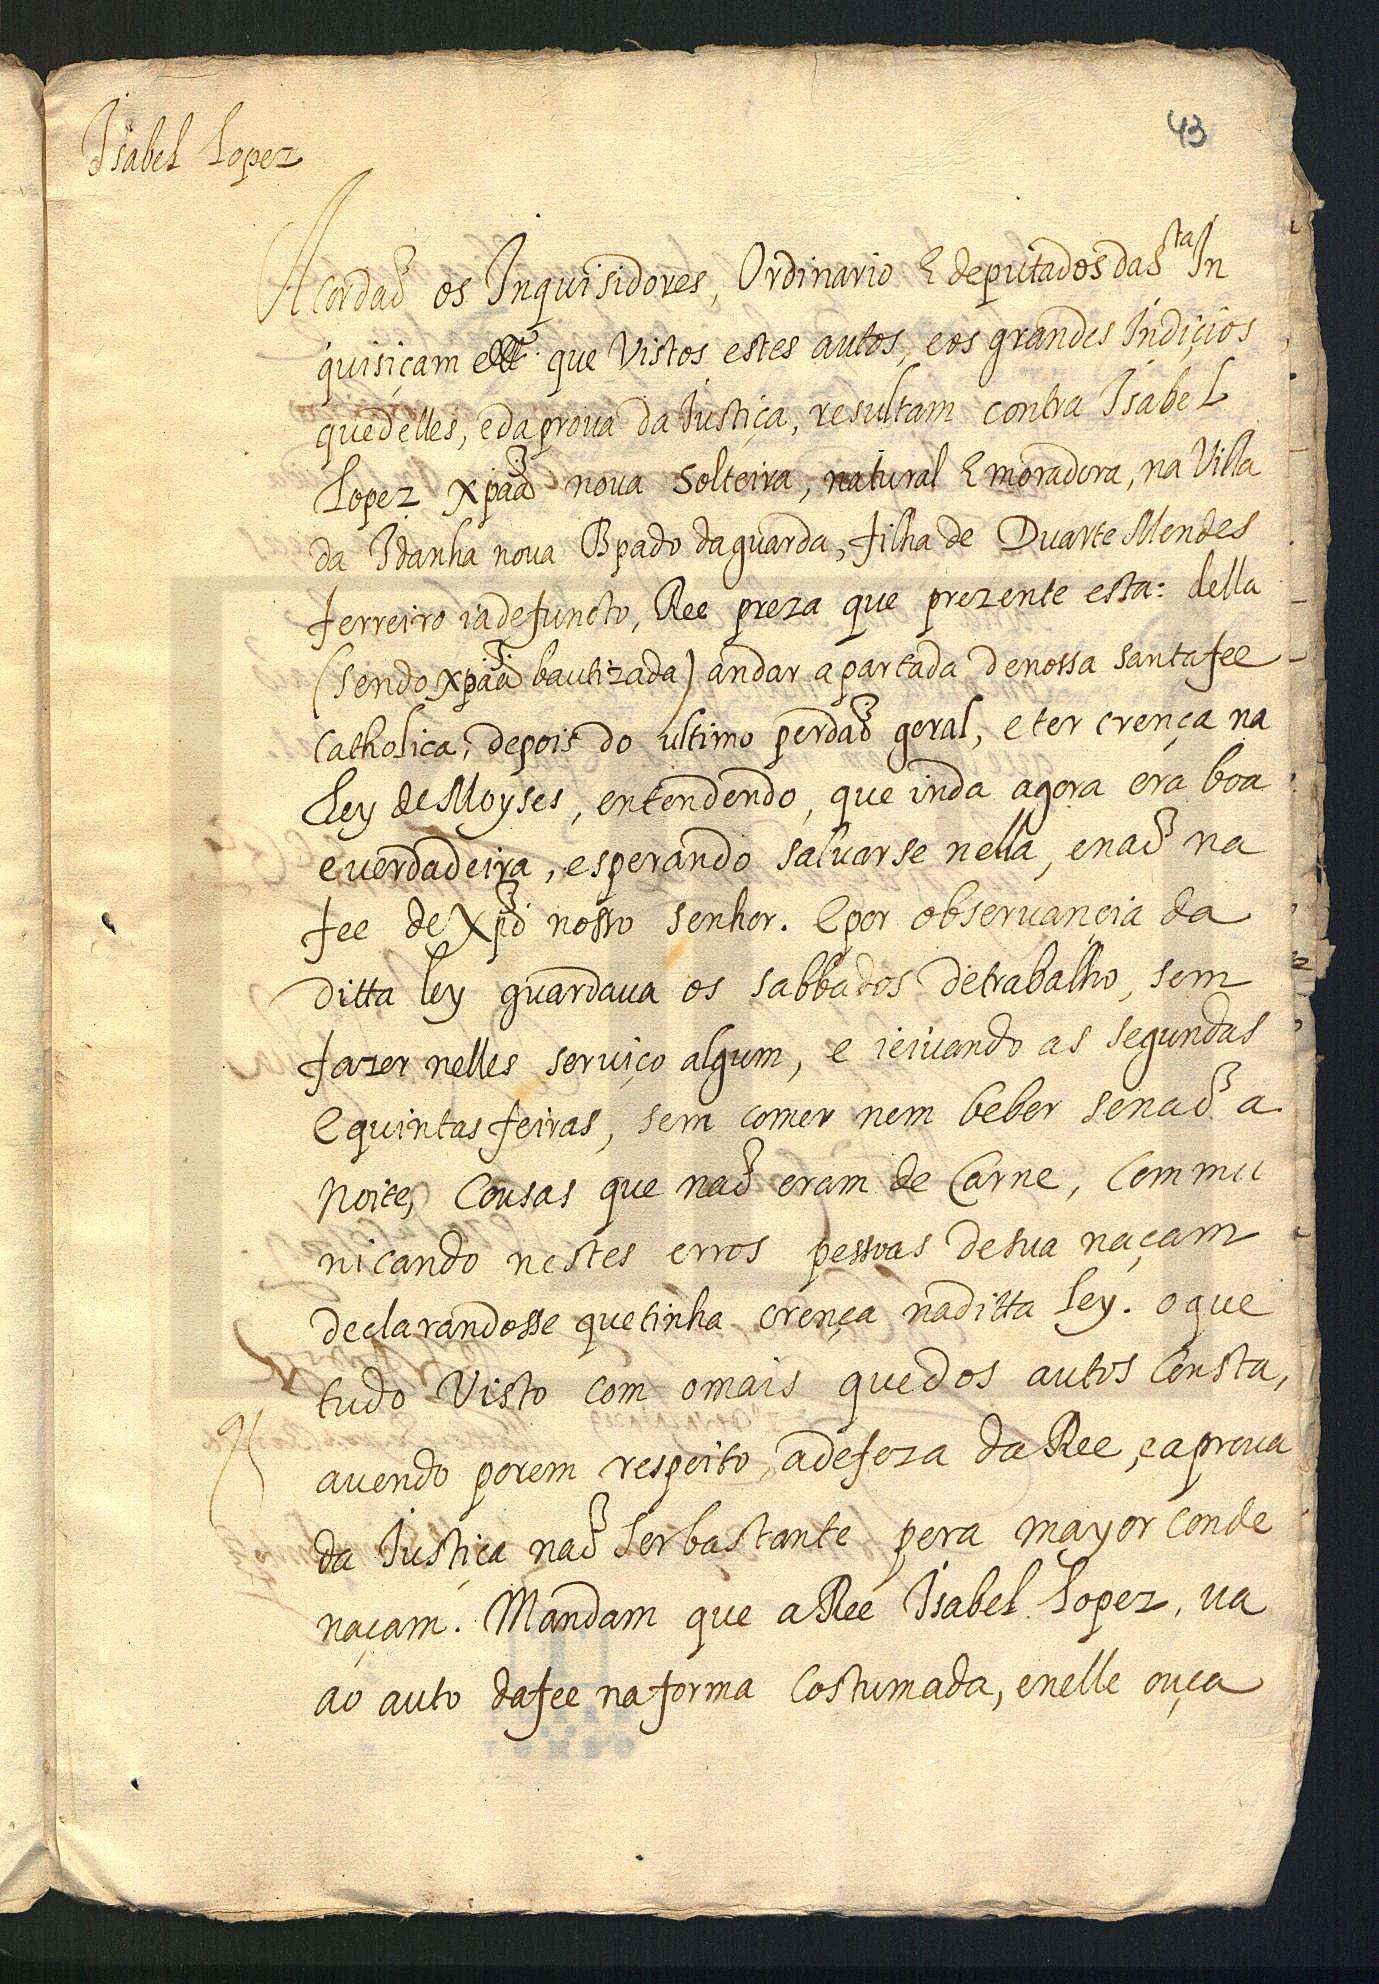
Isabel Lopez
Acordaõ os Inquisidores, Ordinario E deputados da sta In
quisiçam etc. que vistos estes autos, e os grandes Indicios
que delles, e da proua da Iustiça, resultam contra IsabeL
Lopez xpāa noua solteira, natural E moradora, na Villa
da Idanha noua Bpado da guarda, filha de Duarte Mendes
ferreiro ia defuncto, Ree preza que prezente esta: della
(sendo xpāa bautizada) andar apartada de nossa santa fee
catholica, depois do ultimo perdaõ geral, e ter crença na
Ley de Moyses, entendendo, que inda agora era boa
e uerdadeira, esperando saluarse nella, e naõ na
fee de Xp̄o nosso senhor. e por obseruancia da
ditta ley guardaua os sabbados de trabalho, sem
fazer nelles seruiço algum, e ieiuando as segundas
e quintas feiras, sem comer nem beber senaõ a
noite, cousas que naõ eram de Carne, Commu
nicando nestes erros pessoas de sua naçam
declarandosse que tinha crença na ditta Ley. o que
tudo visto com o mais que dos autos consta,
auendo porem respeito, a defeza da Ree, e a proua
da Iustiça naõ ser bastante pera mayor conde
naçam. Mandam que a Ree Isabel Lopez, ua
ao auto da fee na forma Costumada, e nelle ouça
